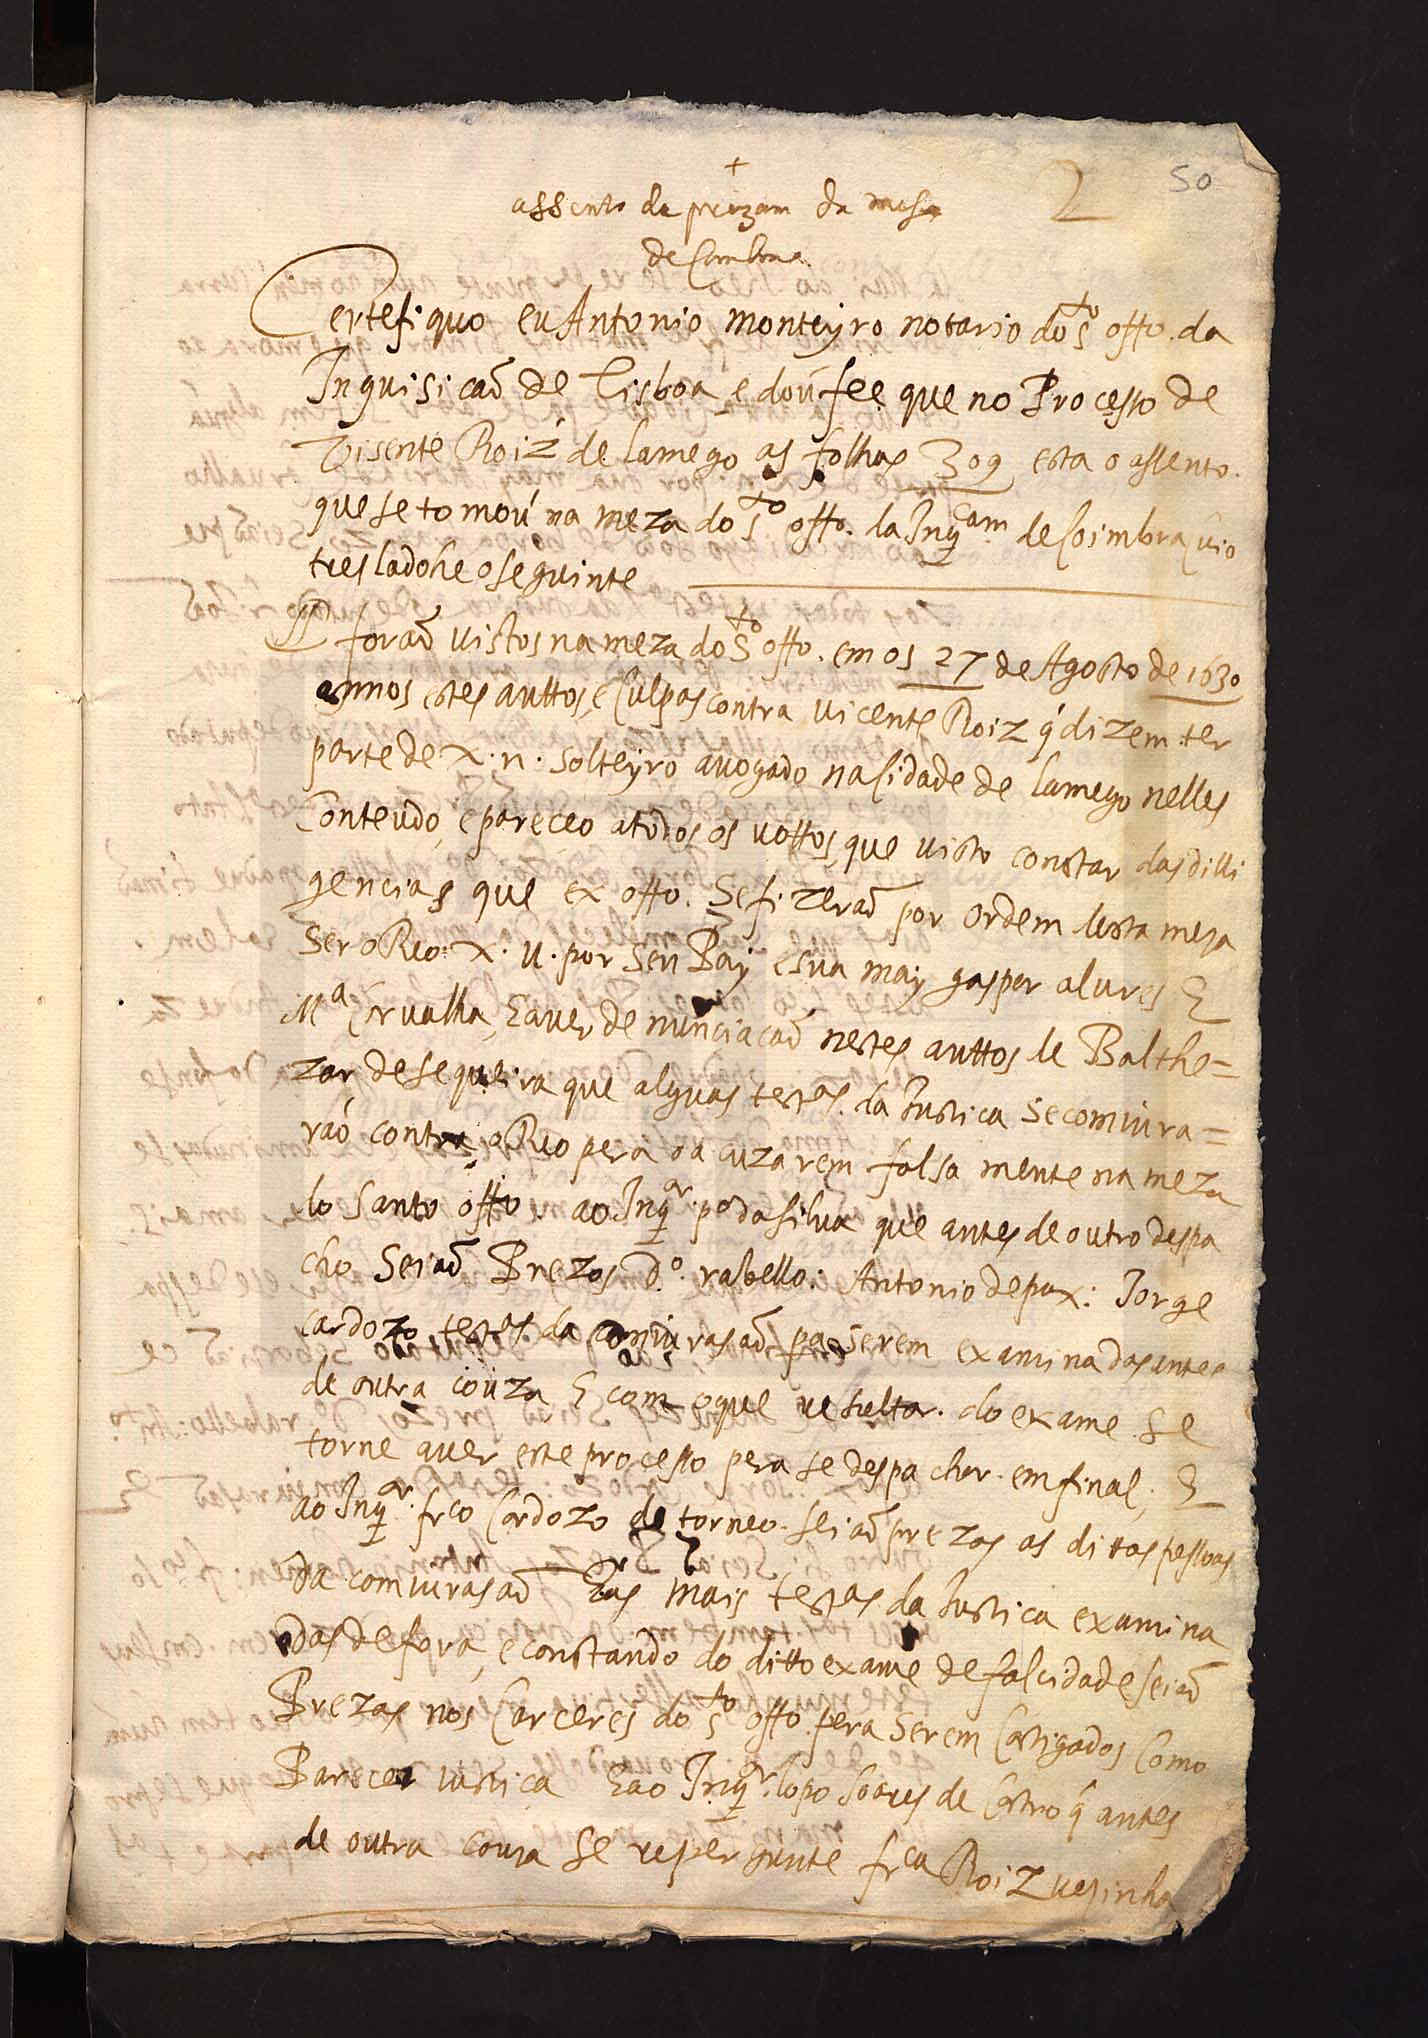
assento da prizam da mesa
de Coimbra
Certefiquo eu Antonio monteyro notario do sto offo. da
Inquisiçaõ de lisboa e dou fee que no Processo de
visente Roiz̄ de lamego as folhas 309 esta o assento
que se tomou na meza do sto offo. da Inqcam. de Coimbra Cuio
treslado he o seguinte
¶ foraõ uistos na meza do Sto offo em os 27 de Agosto de 1630
annos estes auttos, e Culpas contra uicente Roiz q̄ dizem ter
parte de x. n. solteyro auogado na Cidade de lamego nelles
Conteudo, e pareceo a todos os uottos, que uisto constar das dilli
gencias o que ex offo. Se fizeraõ por ordem desta meza
Ser o Reo x. u. por seu Pay e sua may gaspar alures E
Ma Carualha, E auer denunciçaõ nestes auttos de Balthe
zar de sequeira que alguas testas. da Iustica se comiura
raõ contra o Reo pera o acuzarem falsamente na meza
do Santo offo. ao Inqor. po da silua que antes de outro despa
cho Seiaõ Prezos do. rabello: Antonio de pax: Iorge
cardozo testas da coniurasaõ pa serem examinadas antes
de outra couza, E com o que resultar do exame se
torne a uer este processo pera se despachar em final; E
ao Inqor. frco Cardozo de torneo seiaõ prezas as dittas pessoas
da comiurasaõ E as mais testas da Iustica examina
das de fora, e constando do ditto exame de falcidade seiaõ
Prezas nos Carceres do sto offo. pera serem Castigados Como
Parecer iustiça E ao Inqor. lopo Soares de Castro q̄ antes
de outra couza se repergunte frca Roiz uezinha
